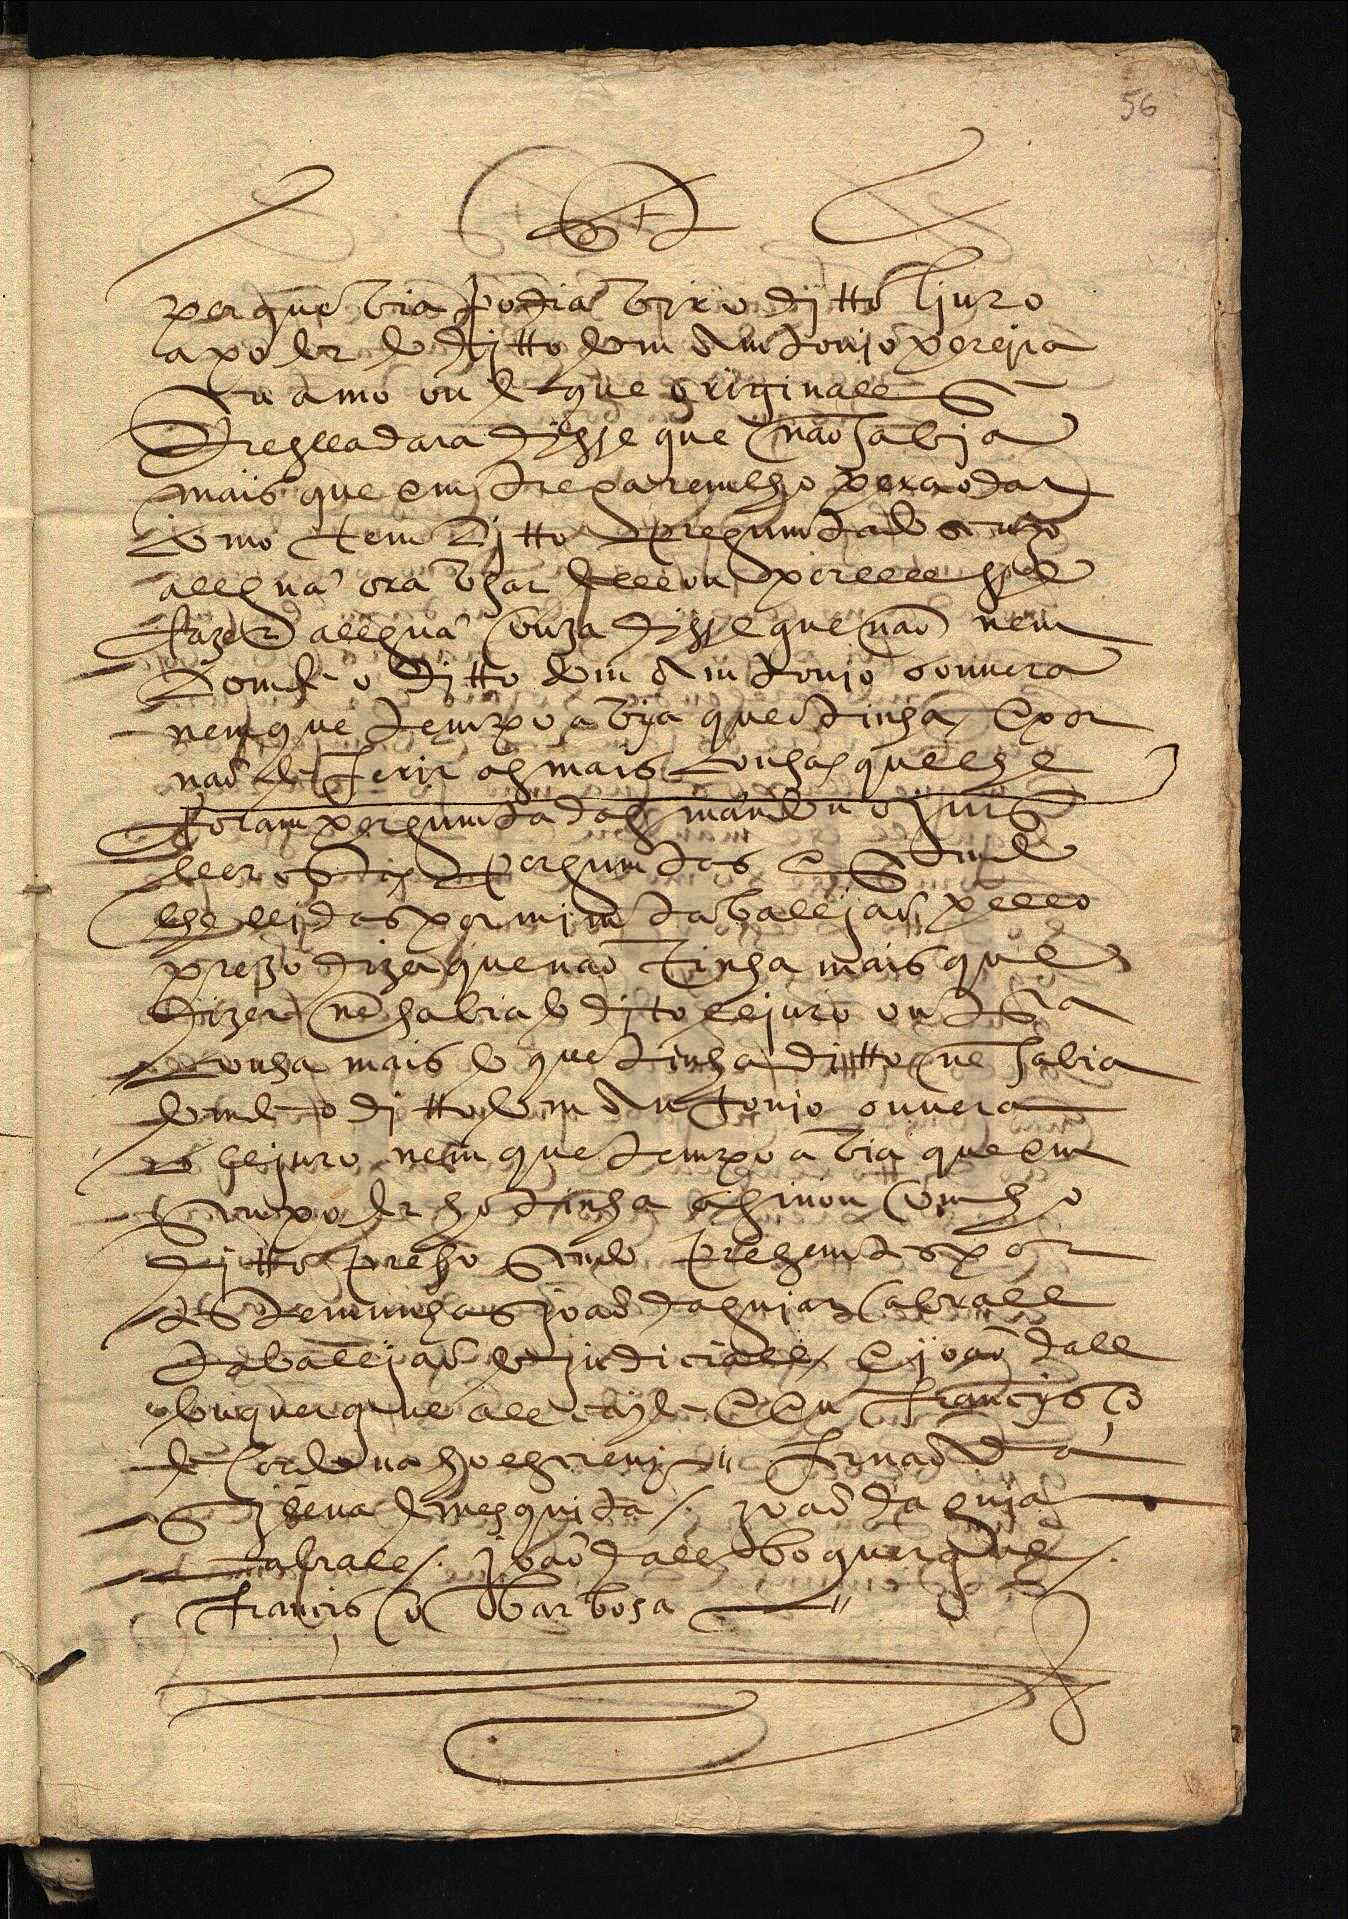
por que via podia vir o djtto ljuro
a poder do djtto dom Amtonjo perejra
Seu amo ou de que originall se
traslladara disse que não Sabja
mais que emtregaremlho pera o dar
como tem Djtto pregumtado se ujo
allguā ora vsar delle ou per elle lhe
fazer allguā Couza disse que não nem
Domde o djtto dom Amtonjo o ouuera
nem que tempo avya que o tinha / e por
naõ deferir as mais cousas que lhe
foram pergumtadas mandou o Juis
ller estas pergumtas e Semdo
lhe llidas por mjm taballjaõ pello
prezo dizer que naõ tinha mais que
dizer n̄e sabia do djto lljuro outra
cousa mais do que tinha ditto n̄e sabia
domde o djtto dom Antonio ouuera
o lljuro nem que tempo avia que em
Seu poder ho tinha asinou Com ho
djtto preso Sendo presemtes por
testemunhas Joaõ dagujar Cabrall
taballjaõ do Judiciall / e joaõ dall
buquerque allcajde e eu francysço
de Cordoua ho escreuj // fernaõ da
SJllua de mesquita /. Joaõ daguiar
Cabrall /. Joaõ dalboquerque /.
françisCo barbosa
